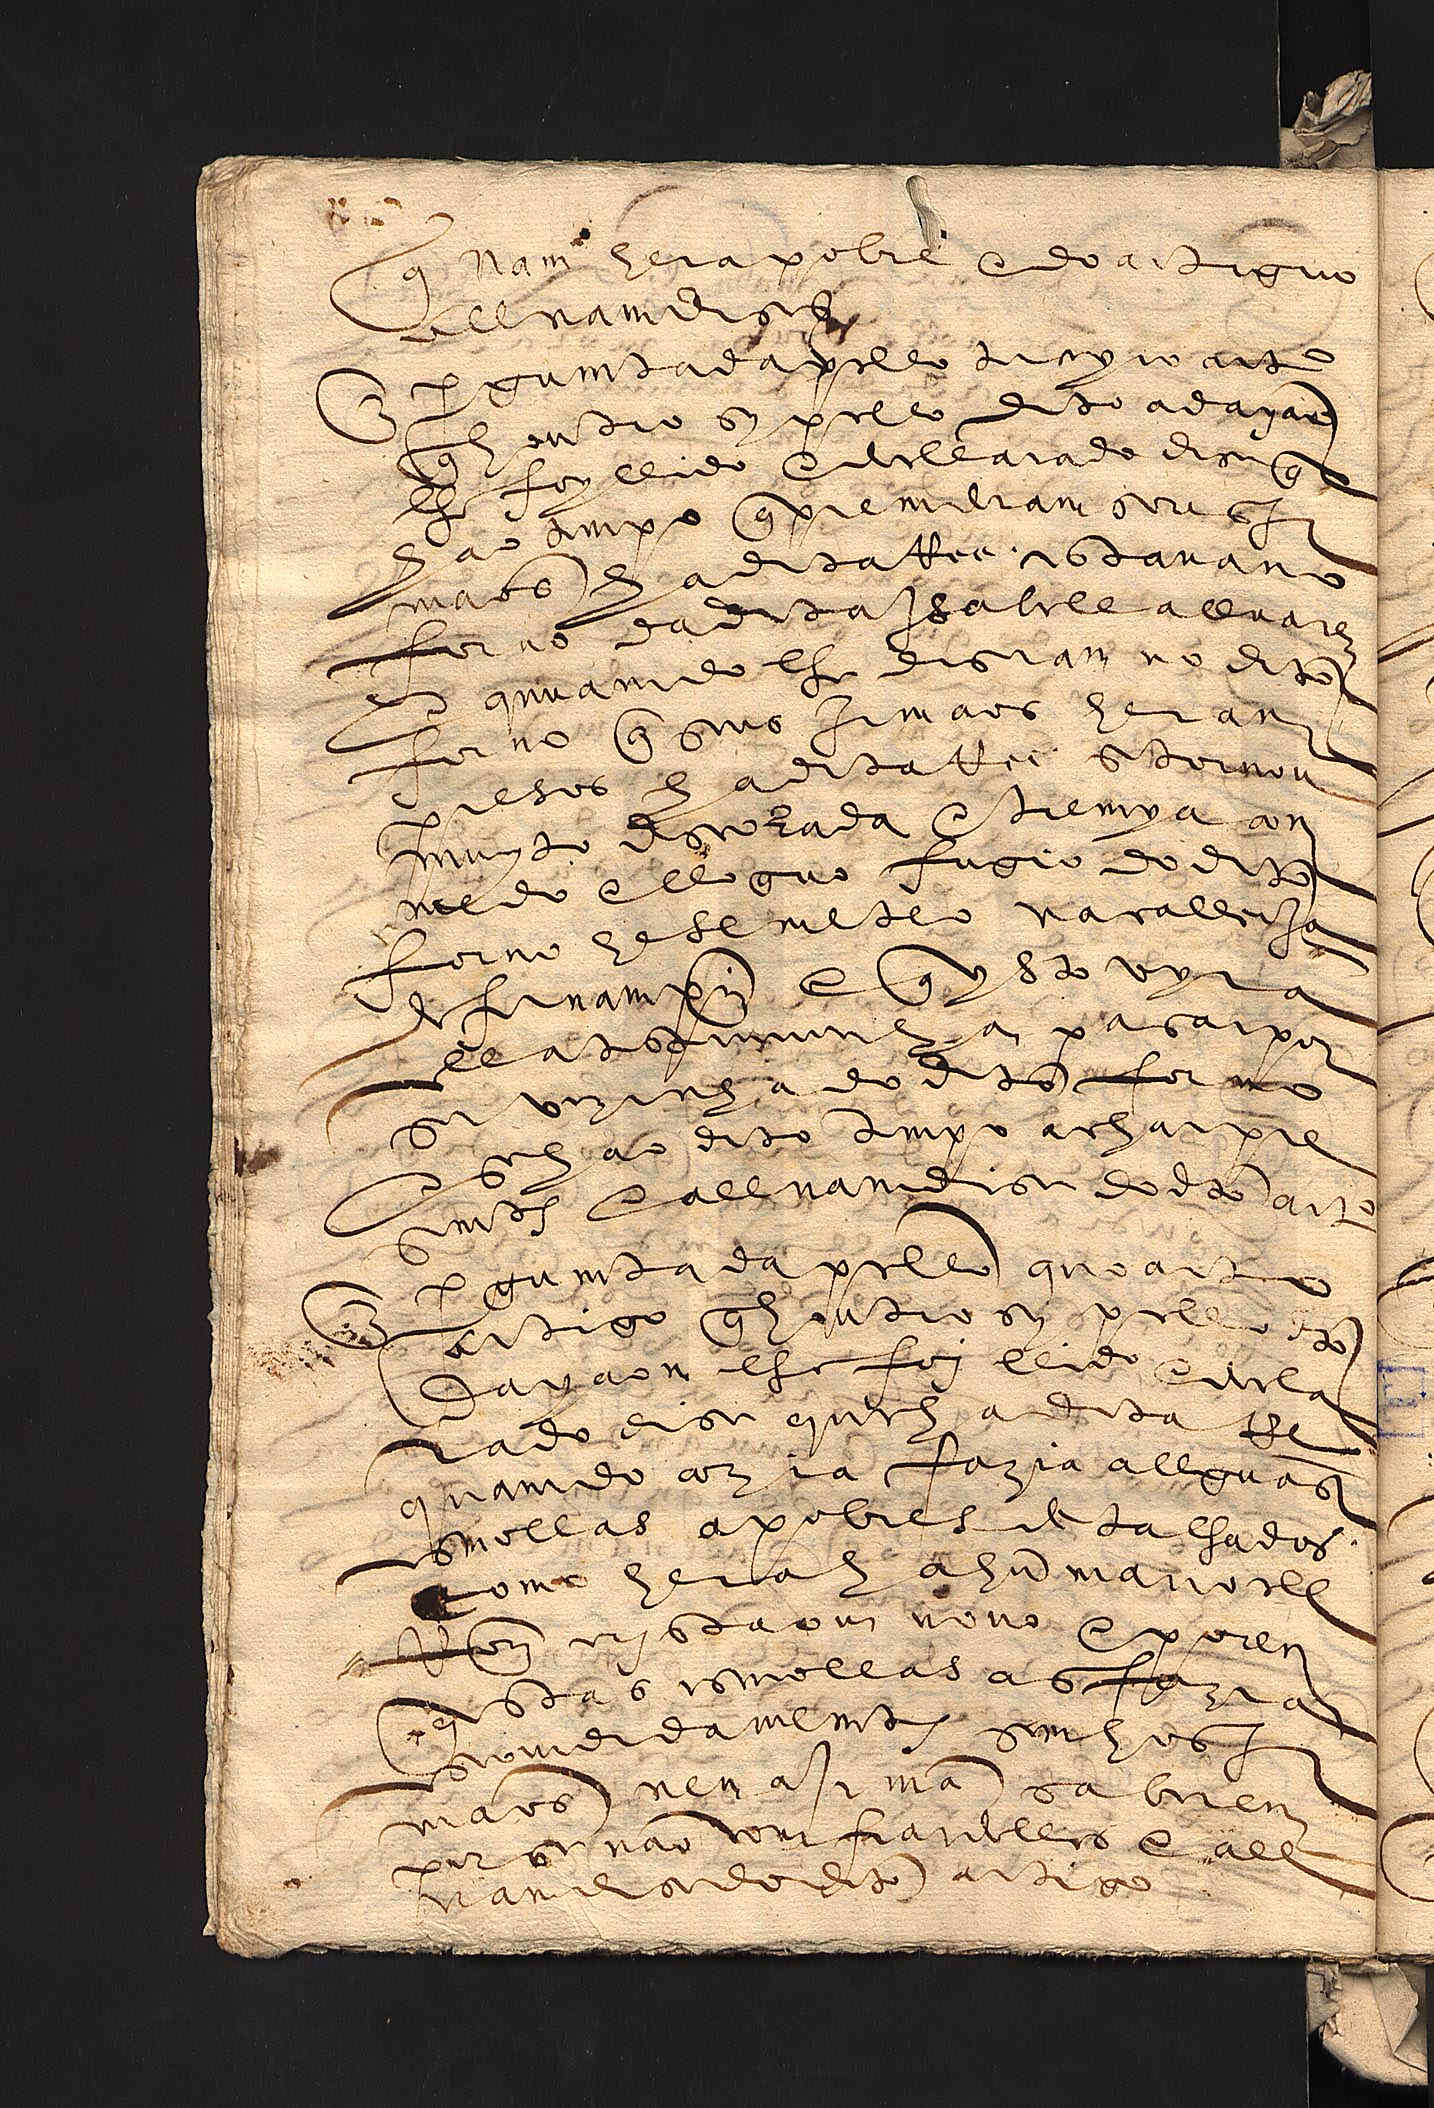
q̄ nam hera pobre e do artiguo
all nam dise
item ꝑgumtada pello terceyro arto
q̄ houtrosy pello dito adayão
lhe foy llido e decllarado dise q̄
hao tempo q̄ premeram seus Jr
maõs ha dita Ree estaua no
forno da dita Jsabell alluarez
e quuamdo lhe diseram no dito
forno q̄ seus Jrmaos heram
presos ha dita Ree se tornou
muyto descorada e tremya com
medo e lloguo fugio do dito
forno he se meteo na calleiJa
de fernam p̄iz e q̄ ysto vyra
ella testemunha pasar por
ser vizinha do dito forno
e se hao dito tempo achar pre
semte e all nam dise do dito arto
item ꝑgumtada pello quoarto
artigo q̄ houtrosy pello dtō
dayaom lhe foj llido e decla
rado dise que ha dita Re
quamdo cozia fazia allguās
esmollas a pobres de talhadas
como hera ha hū manoell
Rōiz crjstaom nouo e porem
q̄ estas esmollas as fazia
escomdidamemtꝭ sem hos Jr
maõs nem a Jrmā saberem
por se não confiar delles e all
nam dise do dito artigo
